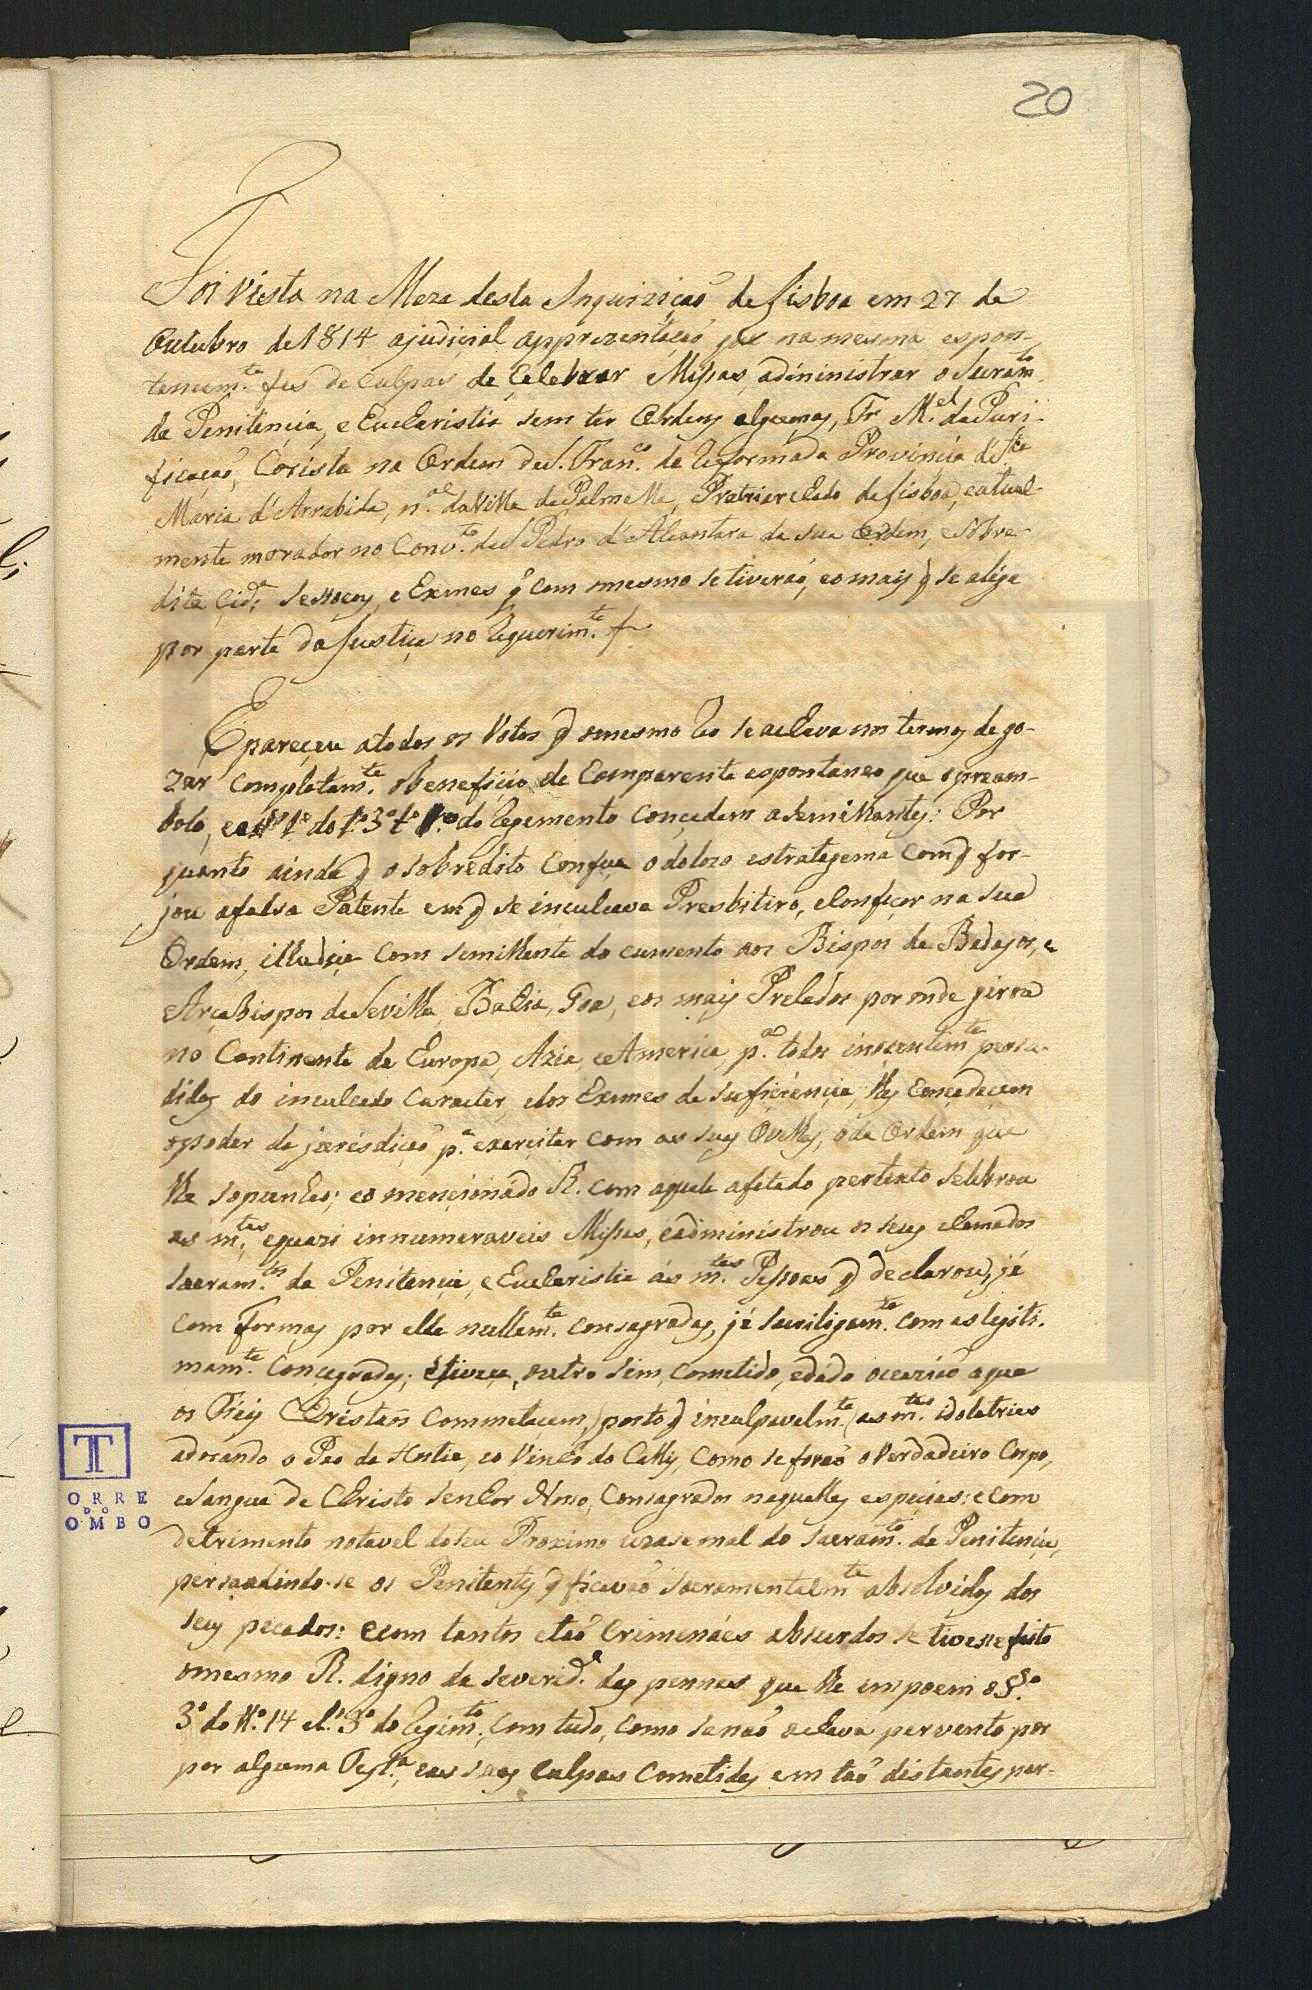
Foi vista na Meza desta Inquiziçaõ de Lisboa em 27 de
Outubro de 1814 a judicial apprezentaçaõ que na mesma espon
taneam.te fes de culpas de Celebrar Missas, administrar o Sacram.to
da Penitencia, e Eucharistia sem ter Ordens algumas, Fr M.el da Puri
ficaçaõ Corista na Ordem de S. Fran.co da Reformada Provincia d'S.ta
Maria d'Arrabida, n.al da Villa de Palmella, Pratriarchado de Lisboa, e atual
mente morador no Conv.to de S Pedro d'Alcantara da sua ordem, e sobre
dita cid.e sessoens, e Exmes q̄ com o mesmo se tiveraõ, e o mais q̄ se aléga
por parte da Justiça no Requerim.o f.
E pareceu a todos os Votos q̄ o mesmo Reo se achava nos termos de go
zar completam.te o beneficio de Comparente espontaneo que o pream
bolo,
do Regemento conçedem a semilhantes: Por
quanto ainda q̄ o sobredito confeça o dolozo estrategema com q̄ for
jou a falsa Patente em q̄ se inculcava Presbitiro, e confeçor na sua
Ordem illudiu com semilhante documento aos Bispos de Badajos, e
Arcebispos de Sevilha, Bahia, Goa, e os mais Prelados por onde girra
no Continente de Europa, Azia, e America, p.a todos inocentem.te prosu
didos do inculcado caracter, e dos Exames de suficiencia, lhes concedecem
o poder de jurisdiçaõ p.a exercitar com as suas Ovelhas, o de Ordem que
lhe sopunhas; e o mencionado R. com aquele afetado pertexto selebrou
as m.tas e quazi innumeraveis Missas, e administrou os seus chamados
sacram.tos da Penitencia, e Eucharistia ás m.tas Pessoas q̄ declarou, já
com Formas por elle nullam.te consagradas, já sacriligam.te com as legiti
mam.te concegradas; e tivece, outrosim cometido, e dado occaziaõ a que
os Freis Christaõs commetecem, posto q̄ inculpavelm.te as m.tas idolatrias
adorando o Pao da Hostia, e o Vinto do Callis, Como se foraõ o verdadeiro Corpo,
e Sangue de Christo Senhor Nosso, Consagrados naquellas especias; e com
detrimento notavel do seu Proximo uzase mal do sacram.to da Penitencia,
persuadindo-se os Penitentes q̄ ficavaõ sacramentalm.te absolvidos dos
seus pecados: e com tantos e taõ crimináes absurdos se tivesse feito
o mesmo R. digno de severid.e das pennas que lhe impoem o §.o
3o do tt.o 14 e L.o 3.o do Regim.to, com tudo, como se naõ achava pervento por
por alguma Test.a, e as suas culpas cometidas em taõ distantes par
